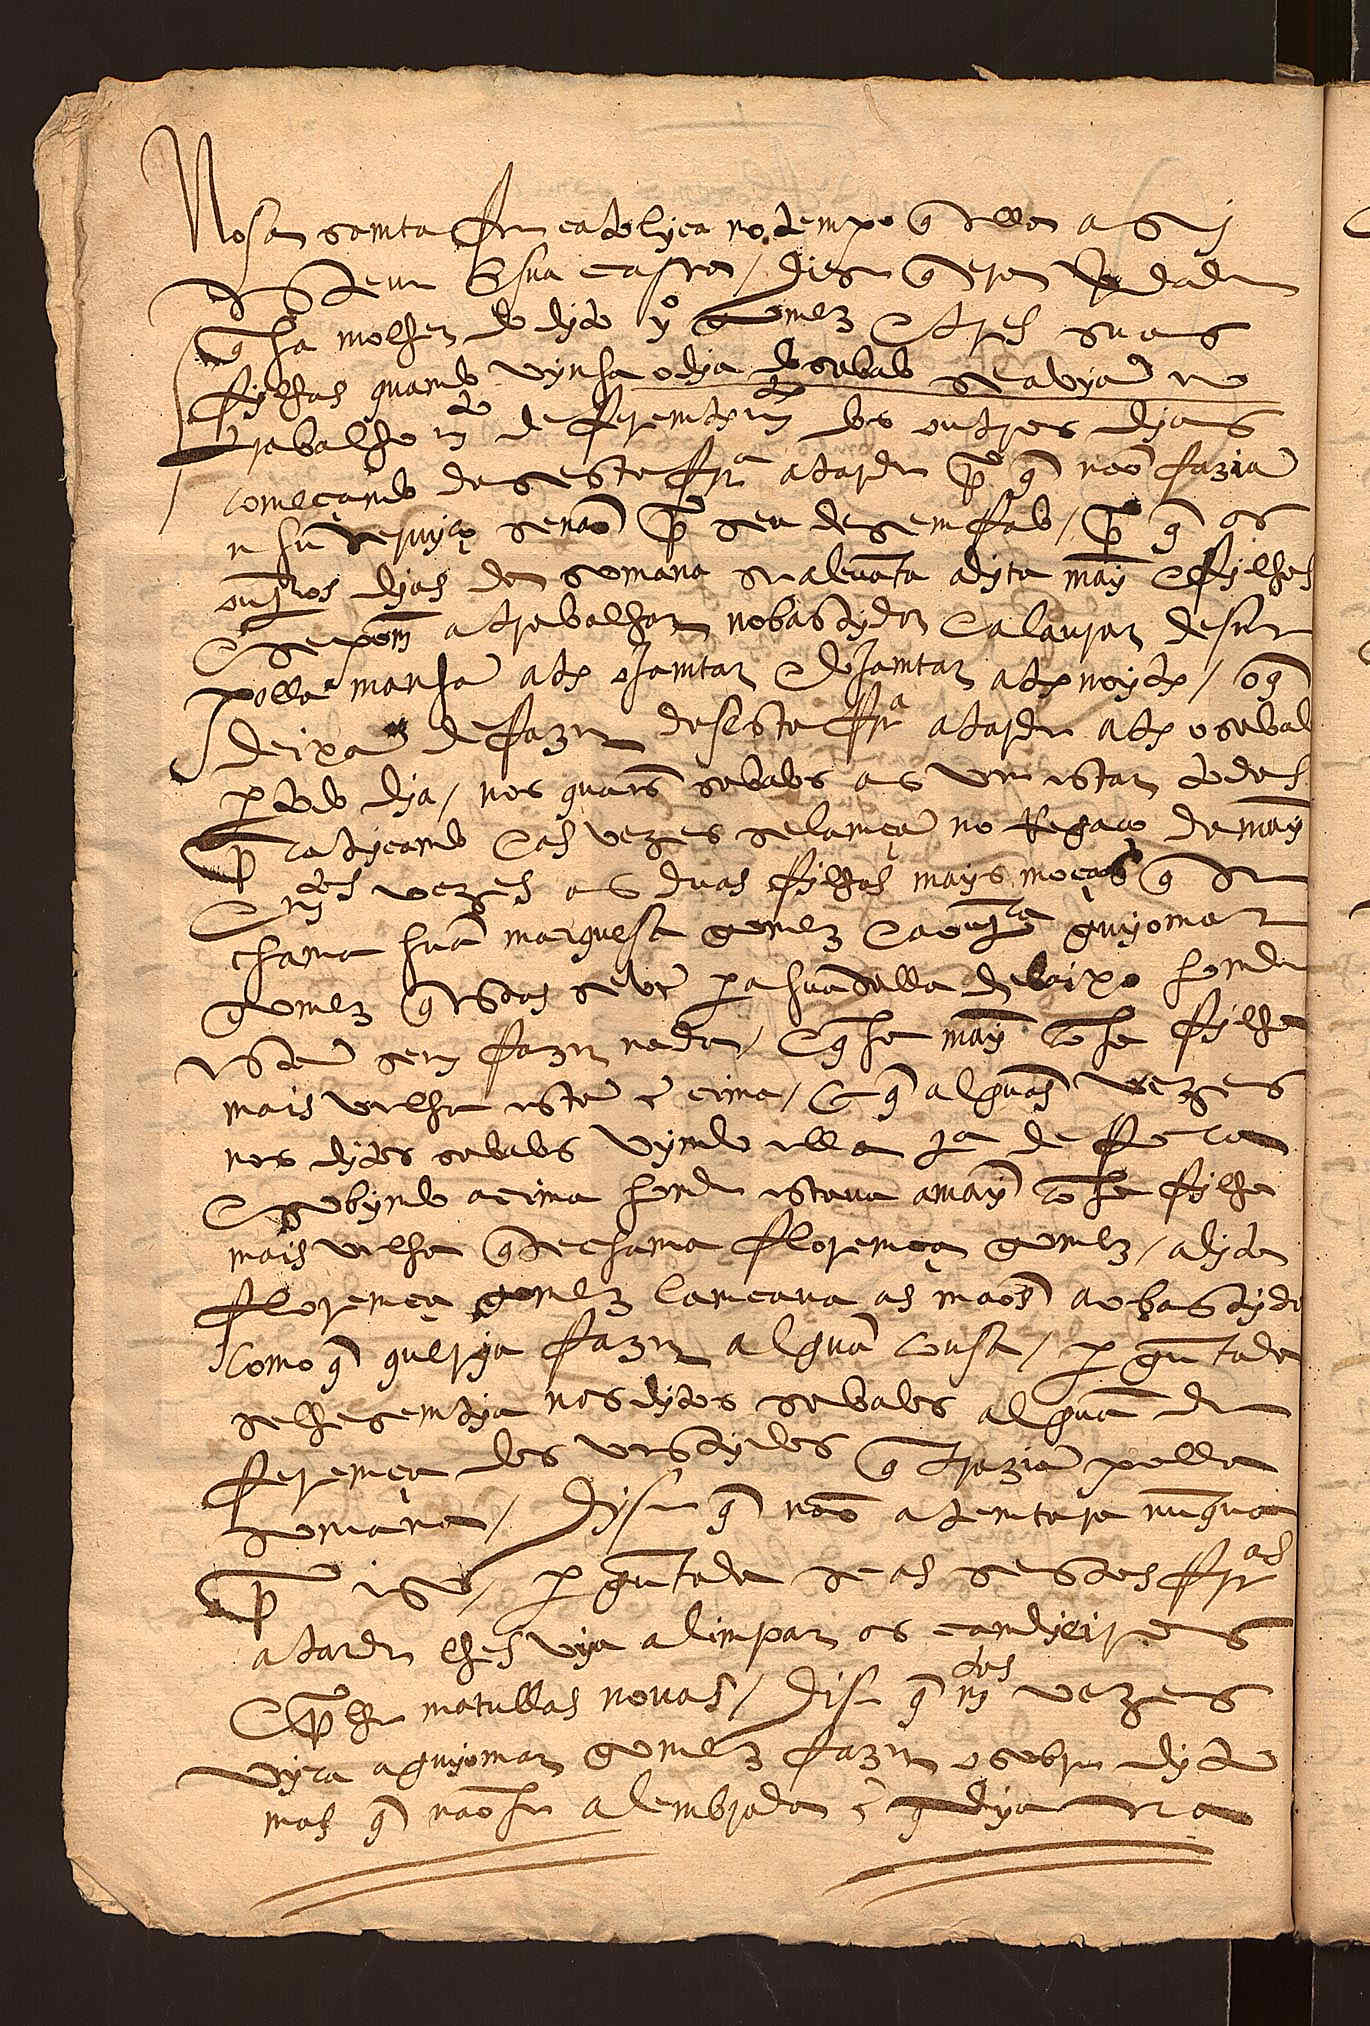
Nosa samta fee catolyca no tempo q̄ ella asy
esteue ē sua casa / dise q̄ era ꝟdade
q̄ ha molher do dyto yo gomez e tres suas
fylhas quando vynha o dya do sabado se avyā no
trabalho mto deferemtemte dos outros dyas
começando de sesta fra a tarde p̄oq̄ não faziā
nhū seruyço senão p̄o seu desemfado / p̄oq̄ os
outros dyas da somana se aleūanta a dyta mãy e fylhas
e se pom a trabalhar no bastydor e a laurar desne
polla manhā ate o Jamtar e do Jamtar ate noyte / o q̄
deixā de fazer de sesta fra a tarde ate o sabad
ꝑ todo dya / nos quaes sabados as vee estar todas
pratycando e as vezes se lamçā no Regaço da mãy
e mtas vezes as duas fylhas mays moças q̄ se
chama huā marquesa gomez e a outra guyomar
gomez q̄ estas se vē ꝑa hūa salla de baixo honde
estā sem fazer nada / e q̄ ha mãy cō ha fylha
mais velha estā ē cima / E q̄ algūas vezes
nos dytos sabados vyndo ella ta de fora
e sobyndo acima honde estaua a mãy c̄o ha fylha
mais velha q̄ se chama floremça gomez / a dyta
floremça gomez lamcaua as maõs ao bastydo
Como q̄ querya fazer algūa cousa / ꝑgūtada
se lhe semtya nos dytos sabados algūa de
feremça dos vestydos q̄ traziā polla
somana / dyse q̄ não atemtara n̄uqua
p̄o iso / ꝑgūtada se as sestas fras
a tarde lhes vya a limpar os camdyeiros
e p̄o lhe matullas nouas / dise q̄ mtas vezes
vyra a guyomar gomez fazer o sobredyto
mas q̄ não he alembrada ē q̄ dya era
